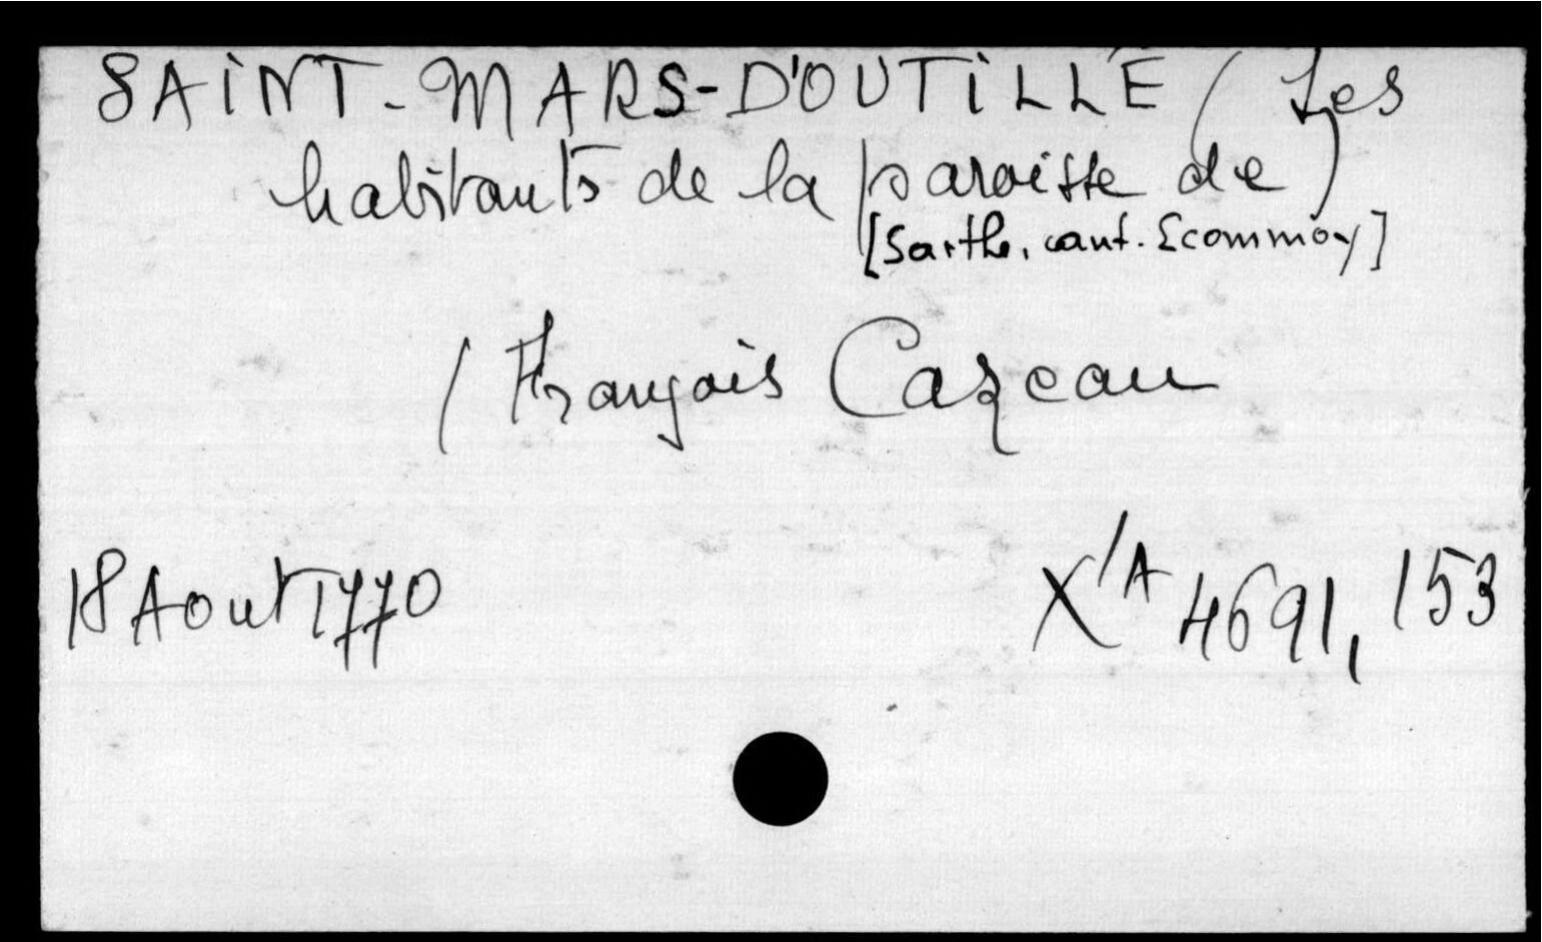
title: SAINT-MARS-D'OUTILLÉ (Les habitants de la paroisse de) [sarthe, canton Écommoy)
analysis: Contre François Cazeau
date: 18 août 1770
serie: X1A
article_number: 4691
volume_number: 153
